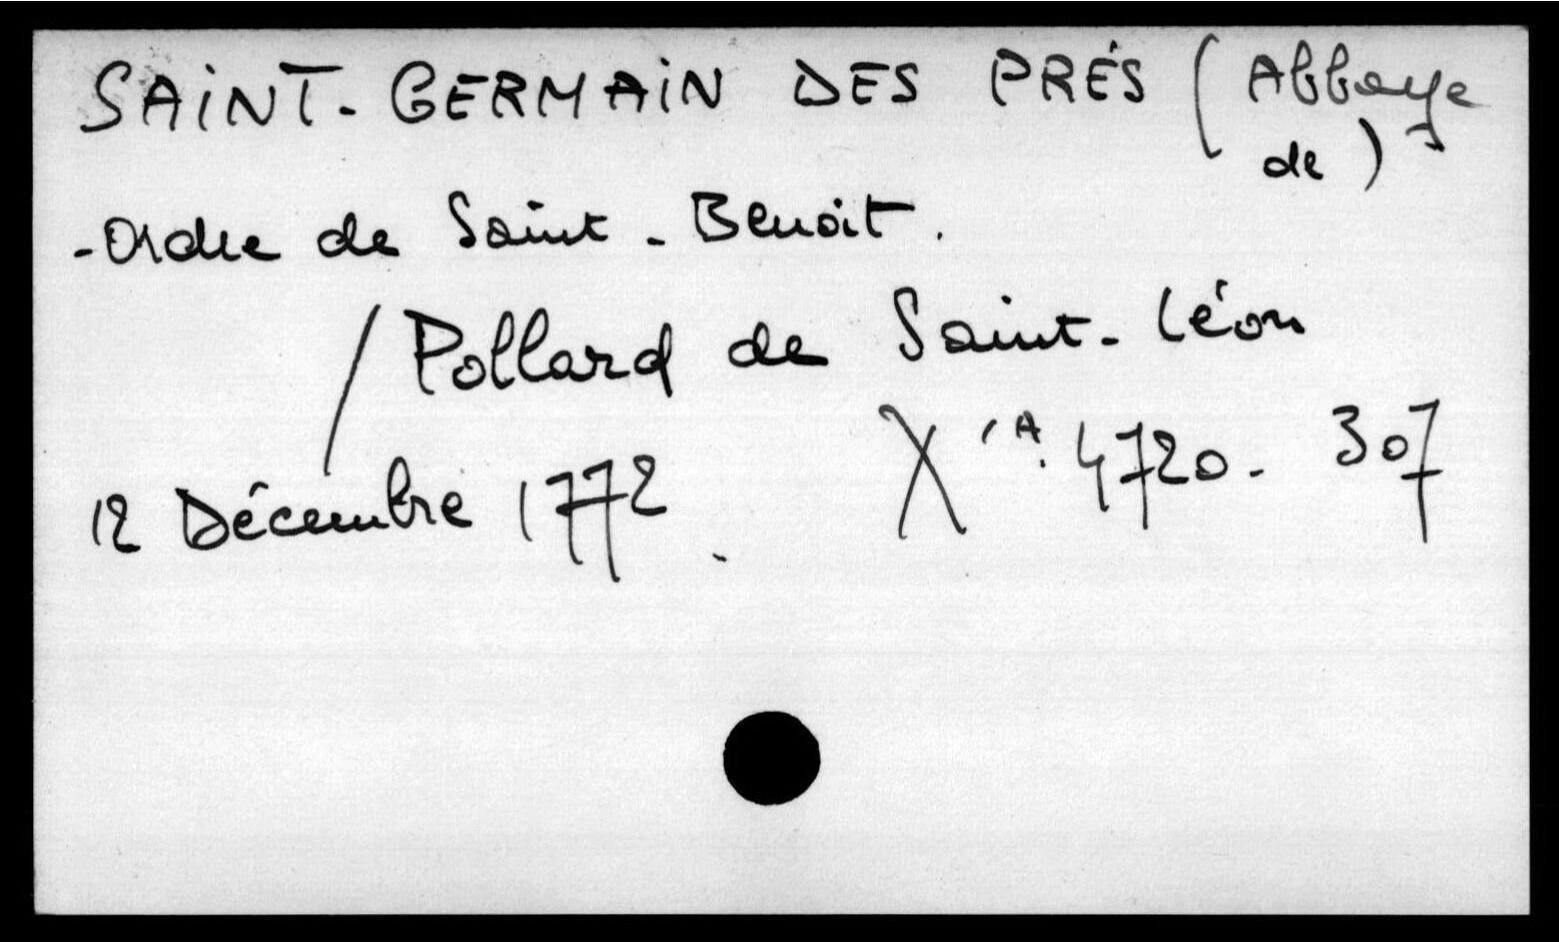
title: SAINT-GERMAIN DES PRÉS (Abbaye de) - Ordre de Saint-Benoit.
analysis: Contre Pollard de Saint-Léon
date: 12 décembre 1772
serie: X1A
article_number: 4720
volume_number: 307
